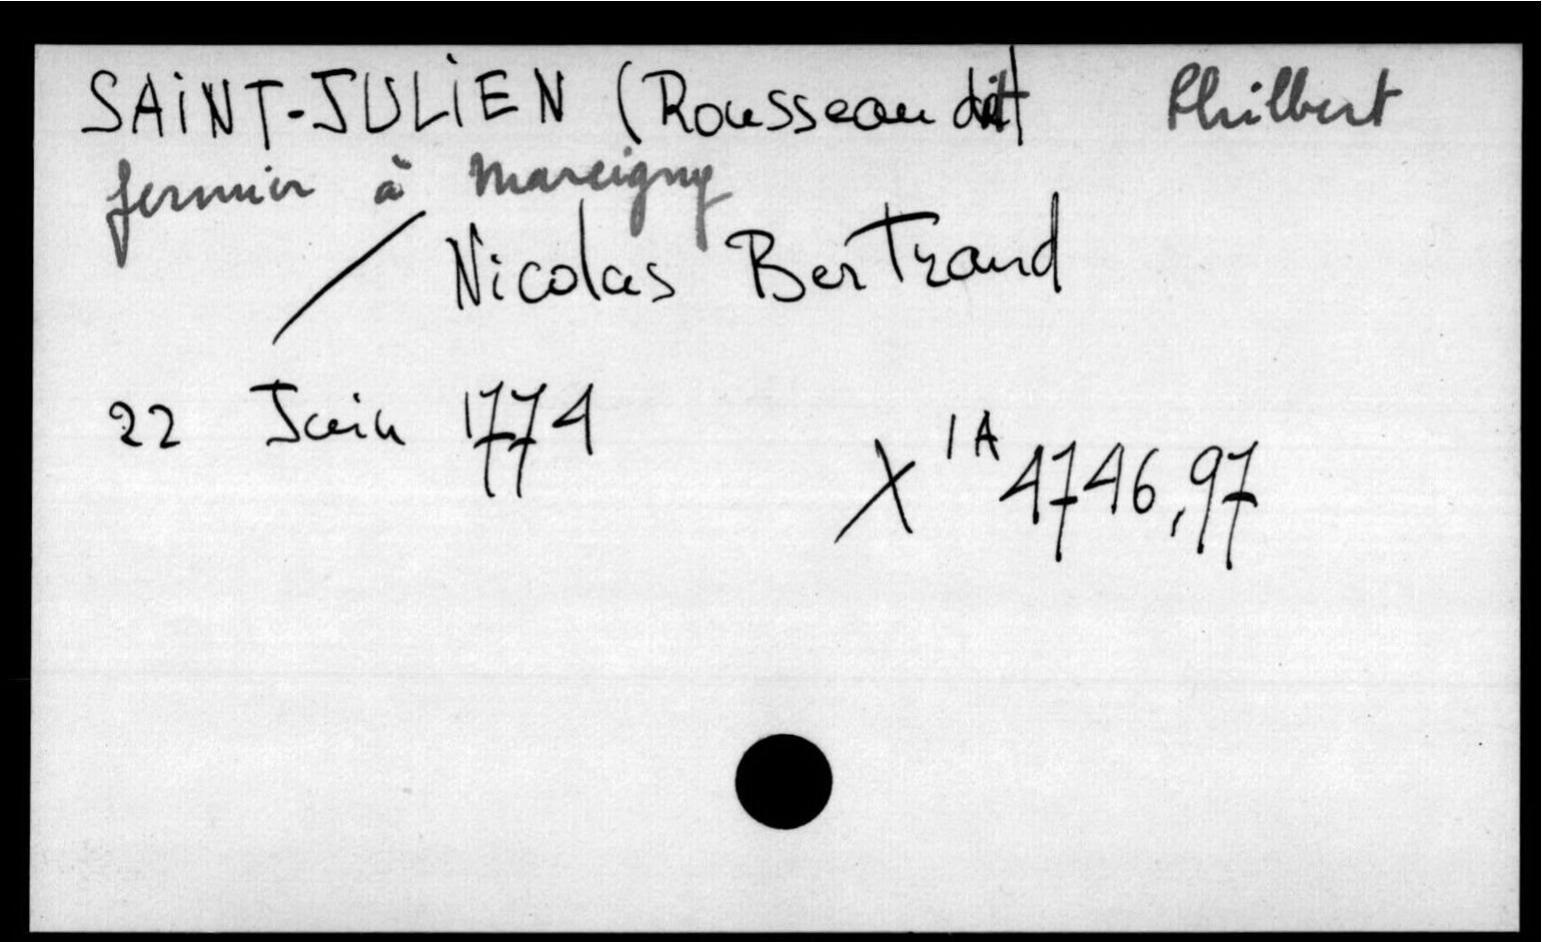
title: SAINT-JULIEN (Rousseau dit) ferrmier à Mareigny
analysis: Contre Nicolas Bertrand
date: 22 juin 1774
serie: X1A
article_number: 4746
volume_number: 97
